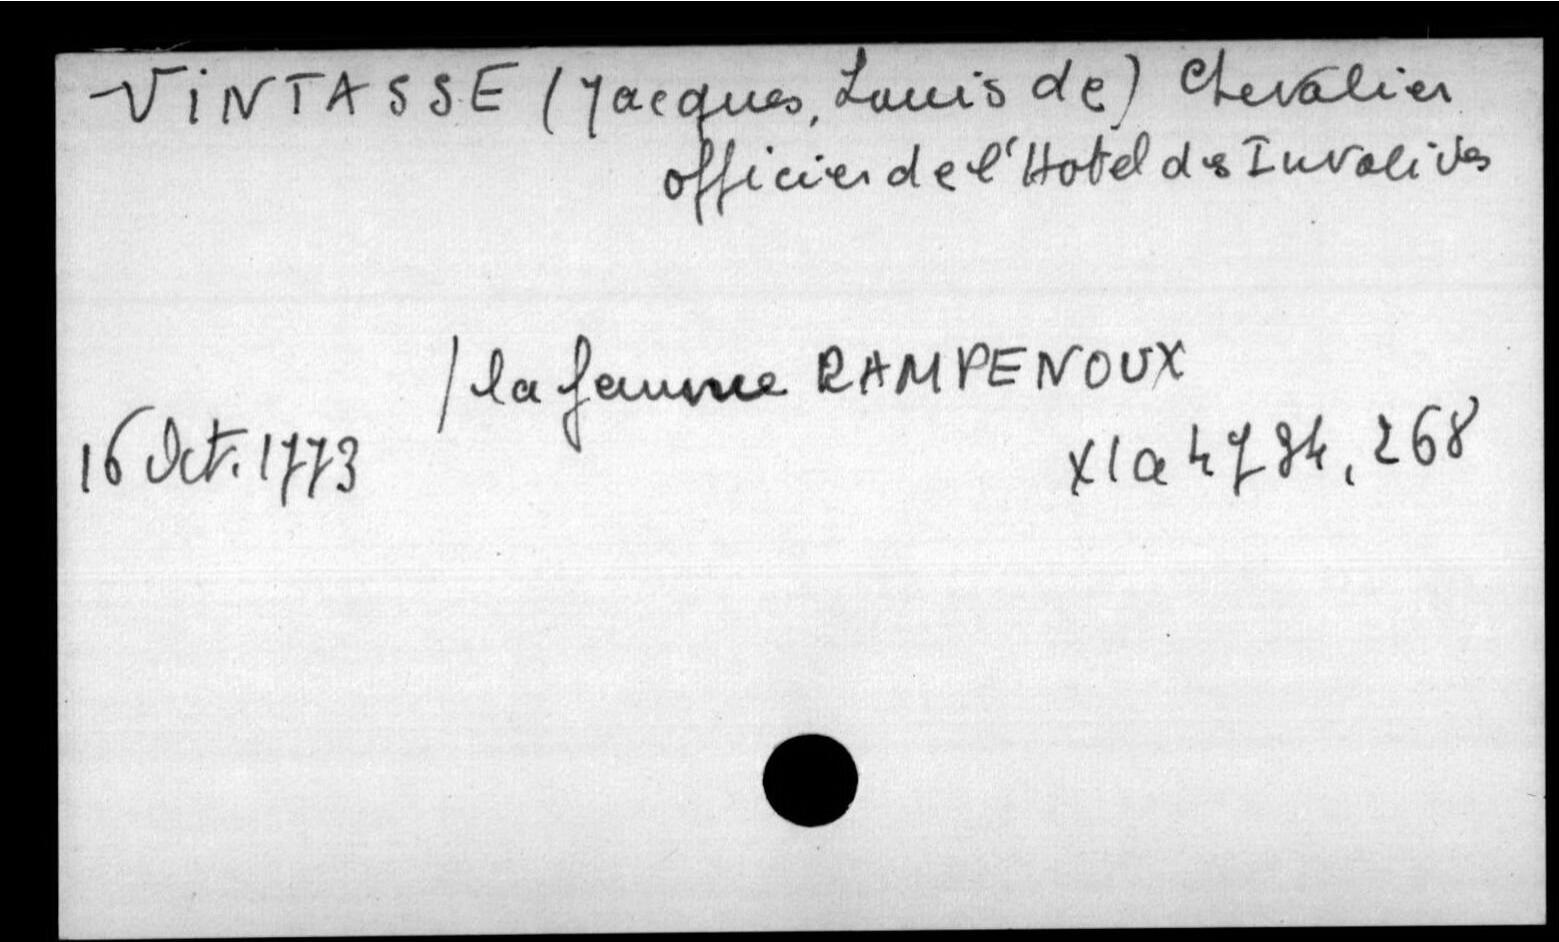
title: VINTASSE (Jacques, Louis de) Chevalier officier de l'Hôtel des Invalides
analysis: Contre la femme RAMPENOUX
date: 16 octobre 1773
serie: X1a
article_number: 4734
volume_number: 268
